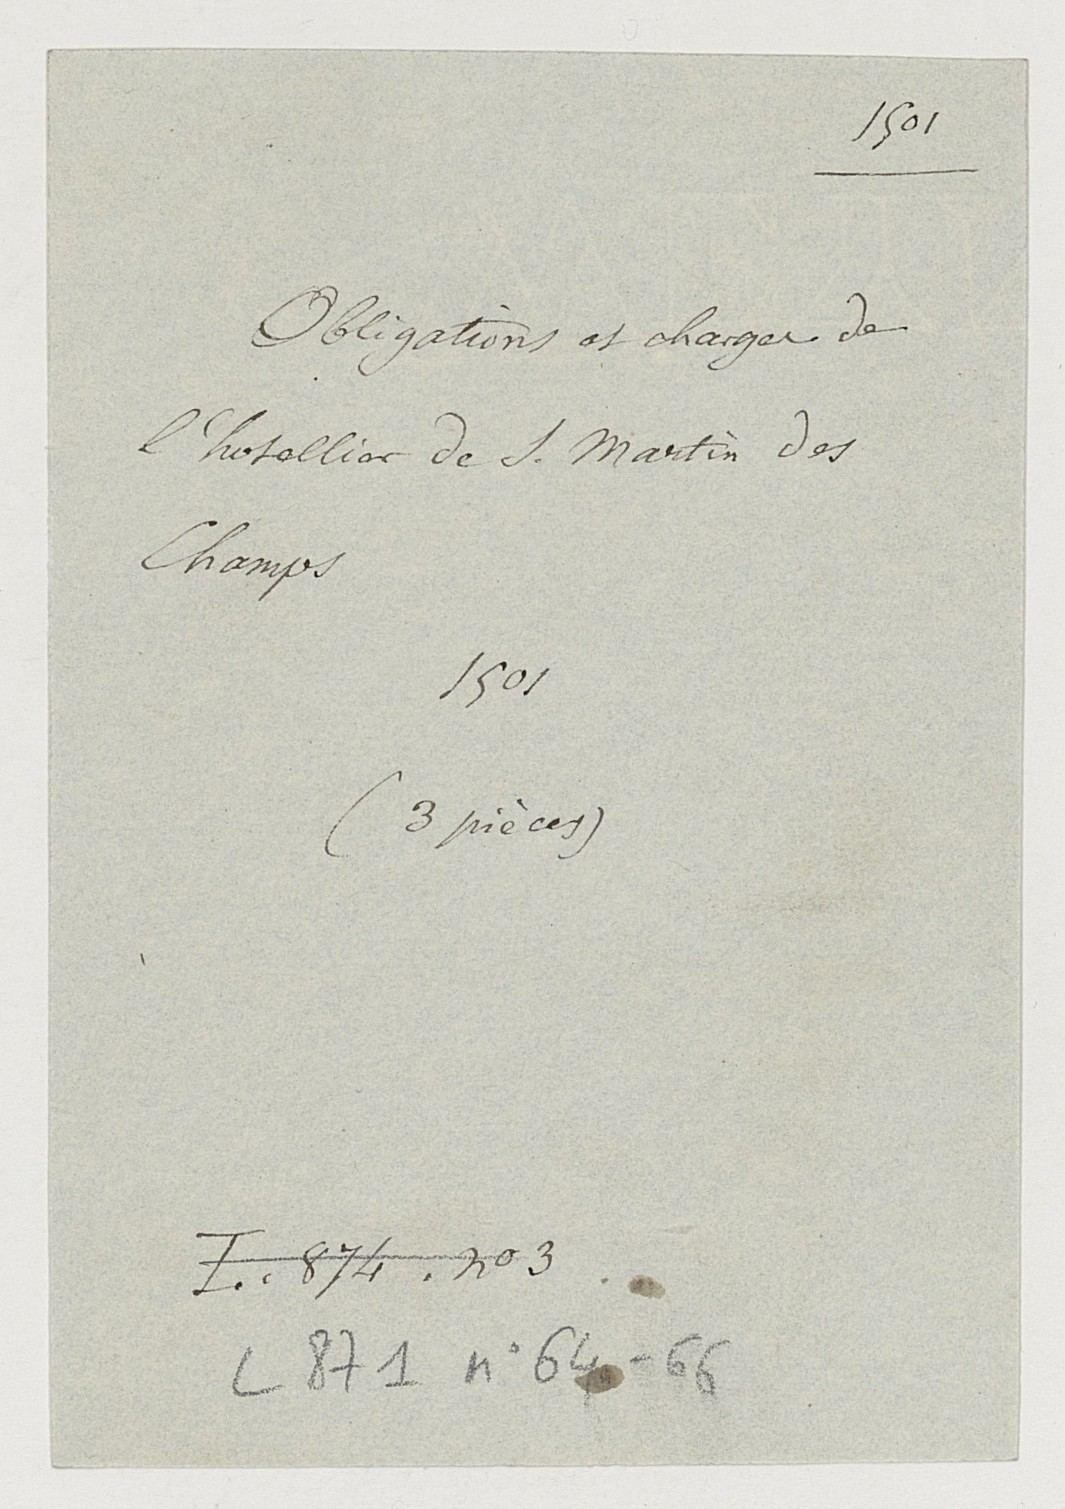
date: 1501
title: Obligations et charges de l'hôtellier de Saint-Martin des Champs
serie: L
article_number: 871
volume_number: n° 64-66
